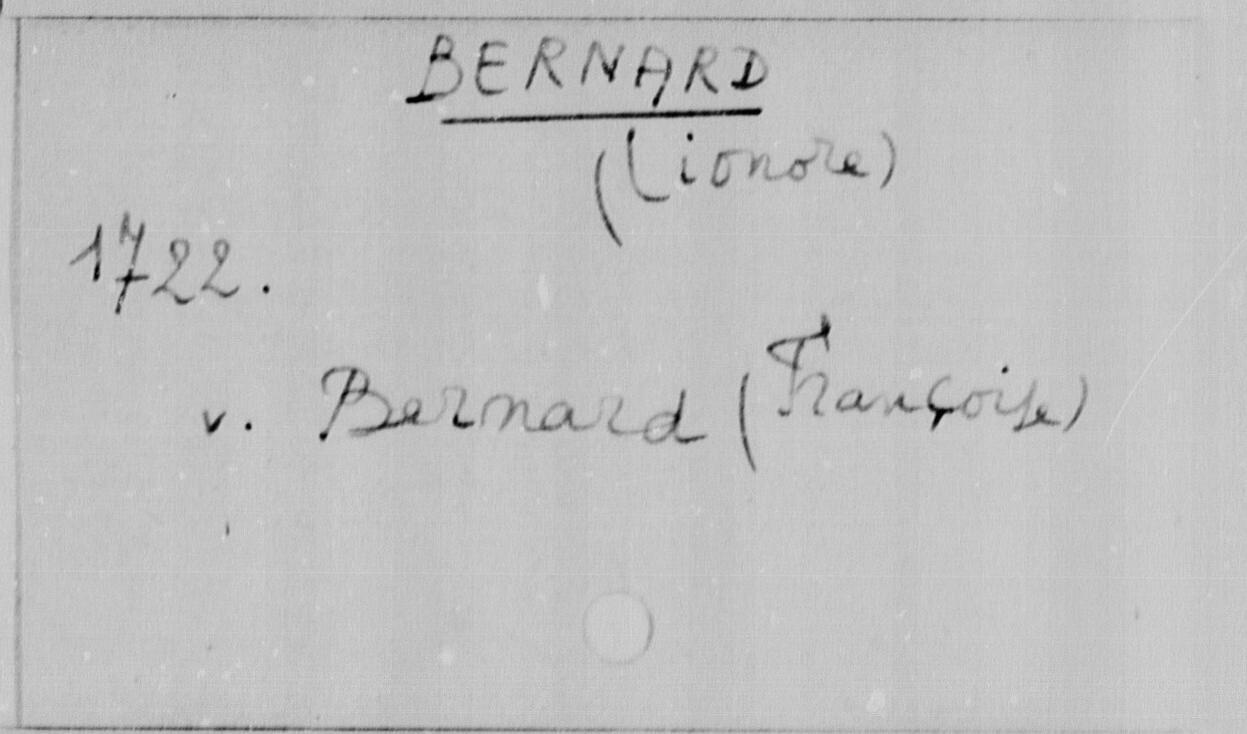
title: BERNARD (Lionore)
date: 1722
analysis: Voir BERNARD (Françoise)
